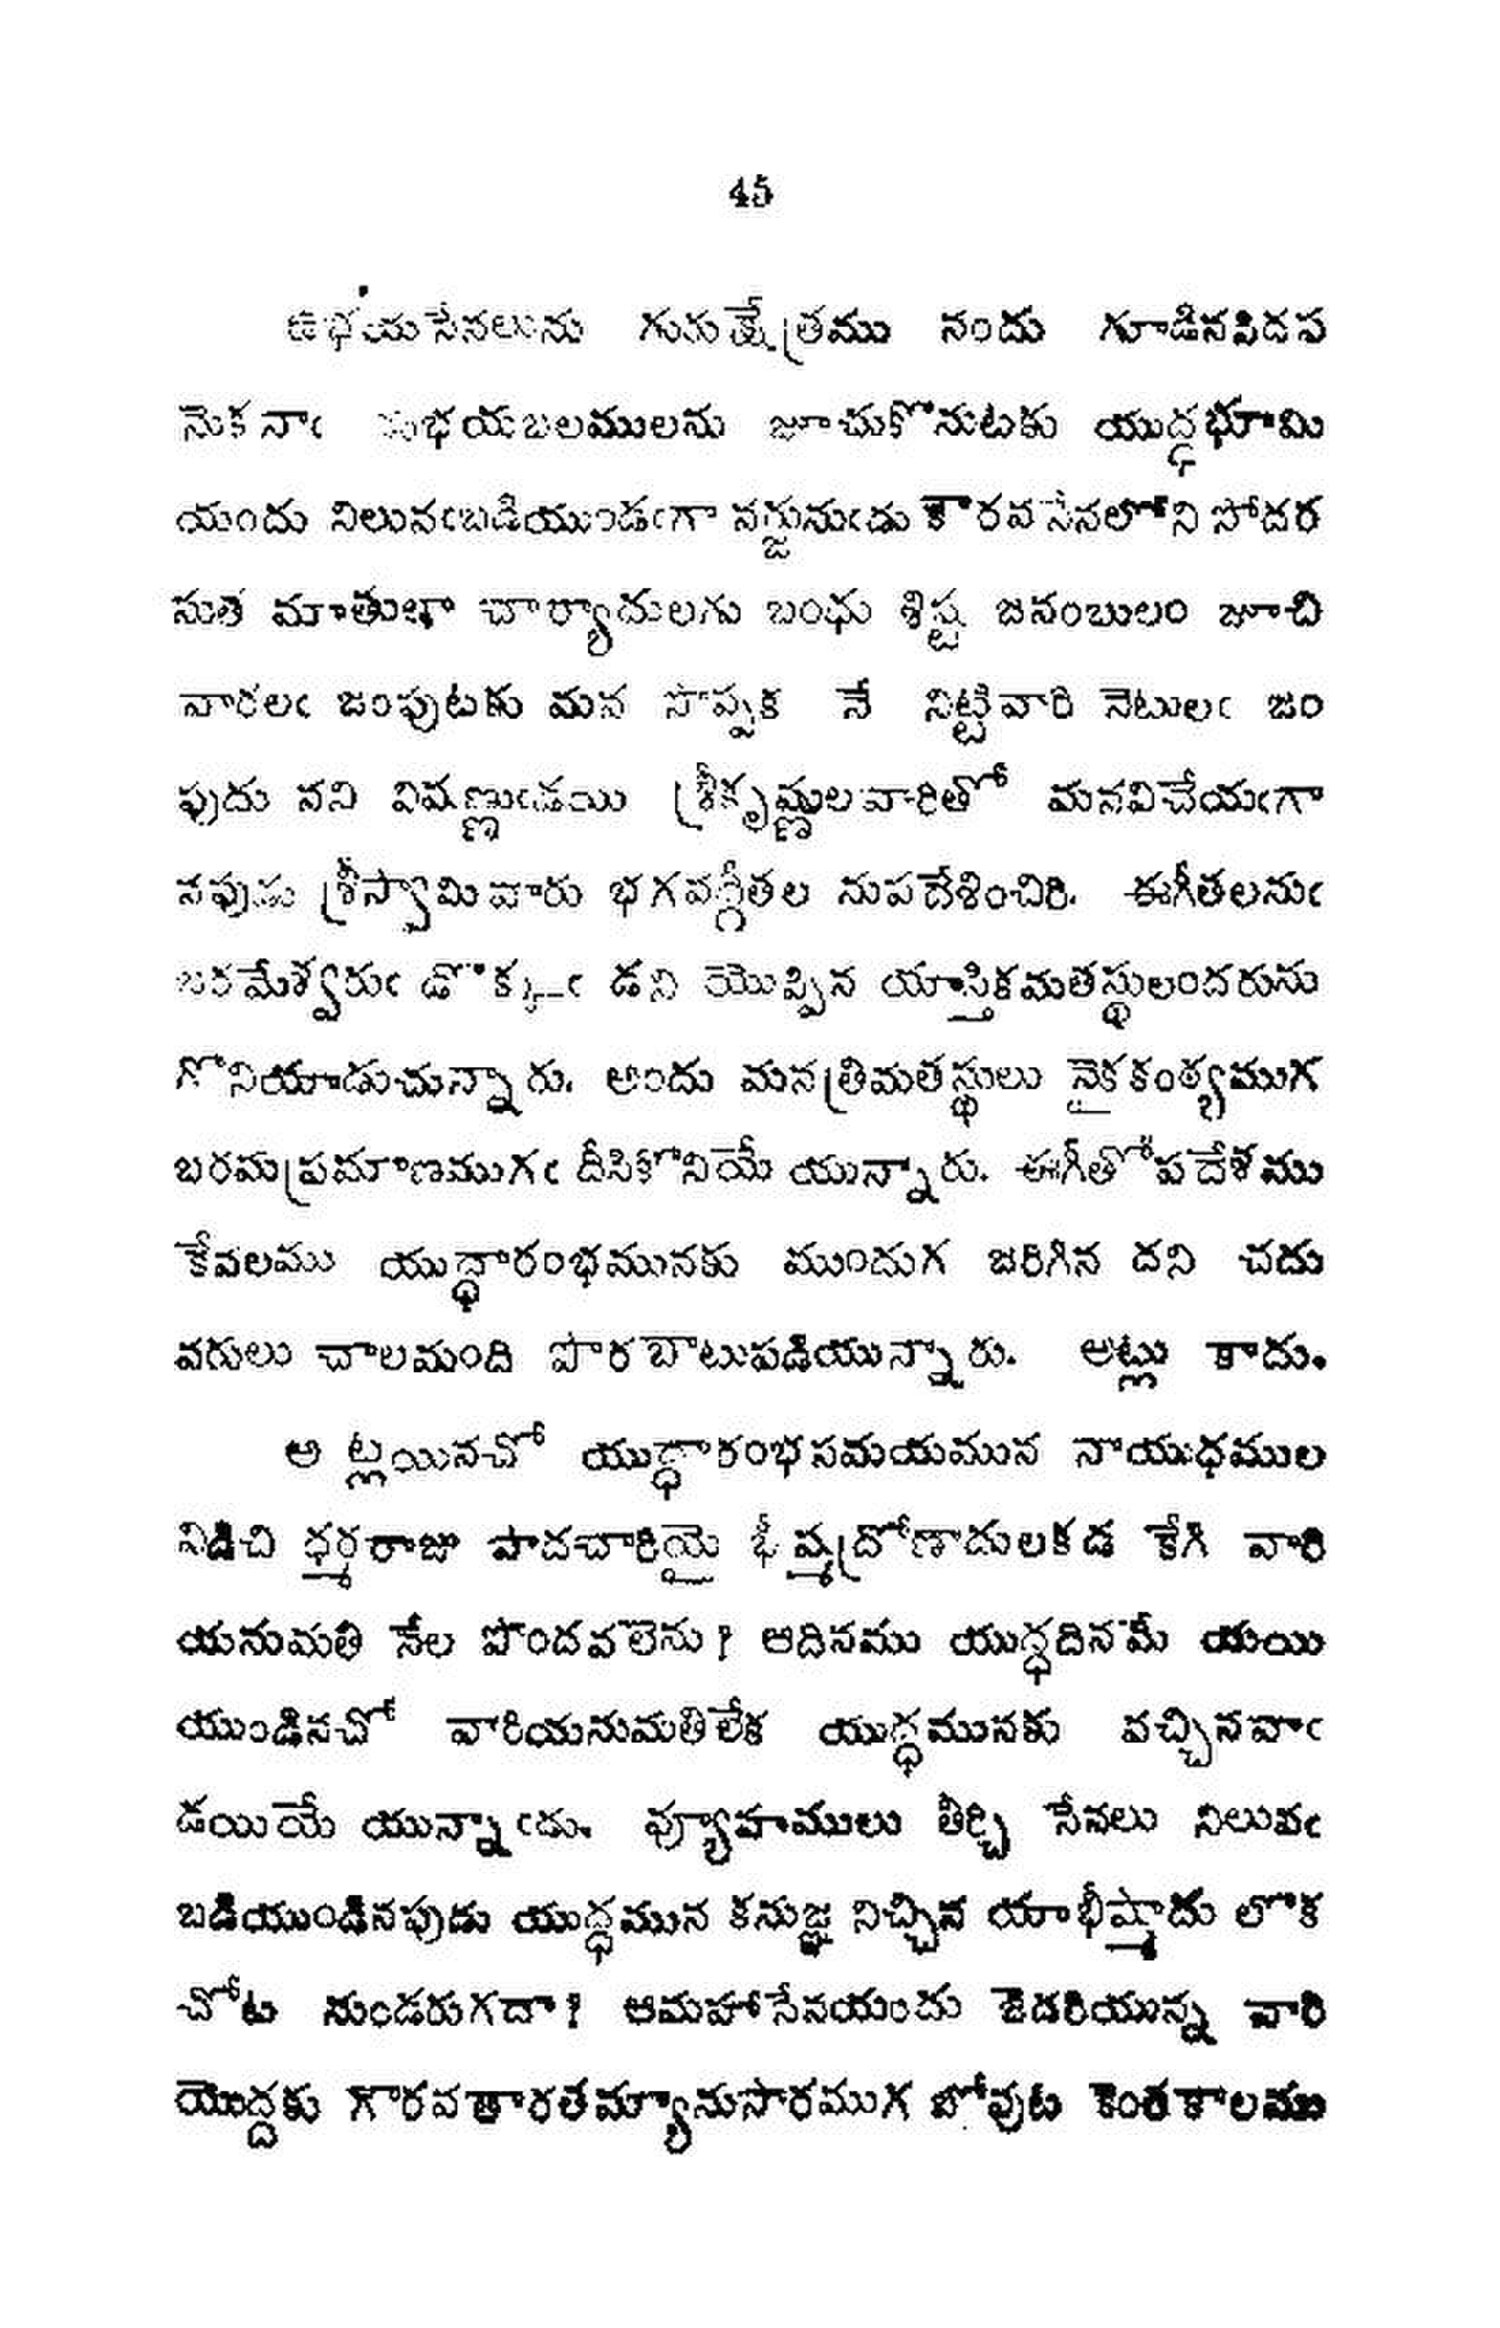ఉభయసేనలును గురుక్షేత్రము నందు గూడినపిదప నొకనాఁ డుభయబలములను జూచుకొనుటకు యుద్ధభూమి యందు నిలువఁబడియుండఁగా నర్జునుఁడు కౌరవసేనలోని సోదర సుత మాతులా చార్యాదులగు బంధు శిష్ట జనంబులం జూచి వారలఁ జంపుటకు మన సొప్పక నే నిట్టివారి నెటులఁ జంపుదు నని విషణ్ణుఁడయి శ్రీకృష్ణులవారితో మనవిచేయఁగా నవుడు శ్రీస్వామివారు భగవద్గీతల నుపదేశించిరి. ఈగీతలనుఁ బరమేశ్వరుఁ డొక్కఁ డని యొప్పిన యాస్తికమతస్థులందరును
గొనియాడుచున్నారు. అందు మనత్రిమతస్థులు నైకకంఠ్యముగ బరమప్రమాణముగఁ దీసికొనియే యున్నారు. ఈగీతోపదేశము కేవలము యుద్ధారంభమునకు ముందుగ జరిగిన దని చదువరులు చాలమంది పొరబాటుపడియున్నారు. అట్లు కాదు.

అ ట్లయినచో యుద్ధారంభసమయమున నాయుధముల విడిచి ధర్మరాజు పాదచారియై భీష్మద్రోణాదులకడ కేగి వారి యనుమతి నేల పొందవలెను ? ఆదినము యుద్ధదినమే యయి
యుండినచో వారియనుమతిలేక యుద్ధమునకు వచ్చినవాఁ డయియే యున్నాఁడు. వ్యూహములు తీర్చి సేనలు నిలువఁబడియుండినపుడు యుద్ధమున కనుజ్జు నిచ్చిన యాభీష్మాదు లొకచోట నుండరుగదా! ఆమహాసేనయందు జెదరియున్న వారి యొద్దకు గౌరవతారతమ్యానుసారముగ బోవుట కెంతకాలము